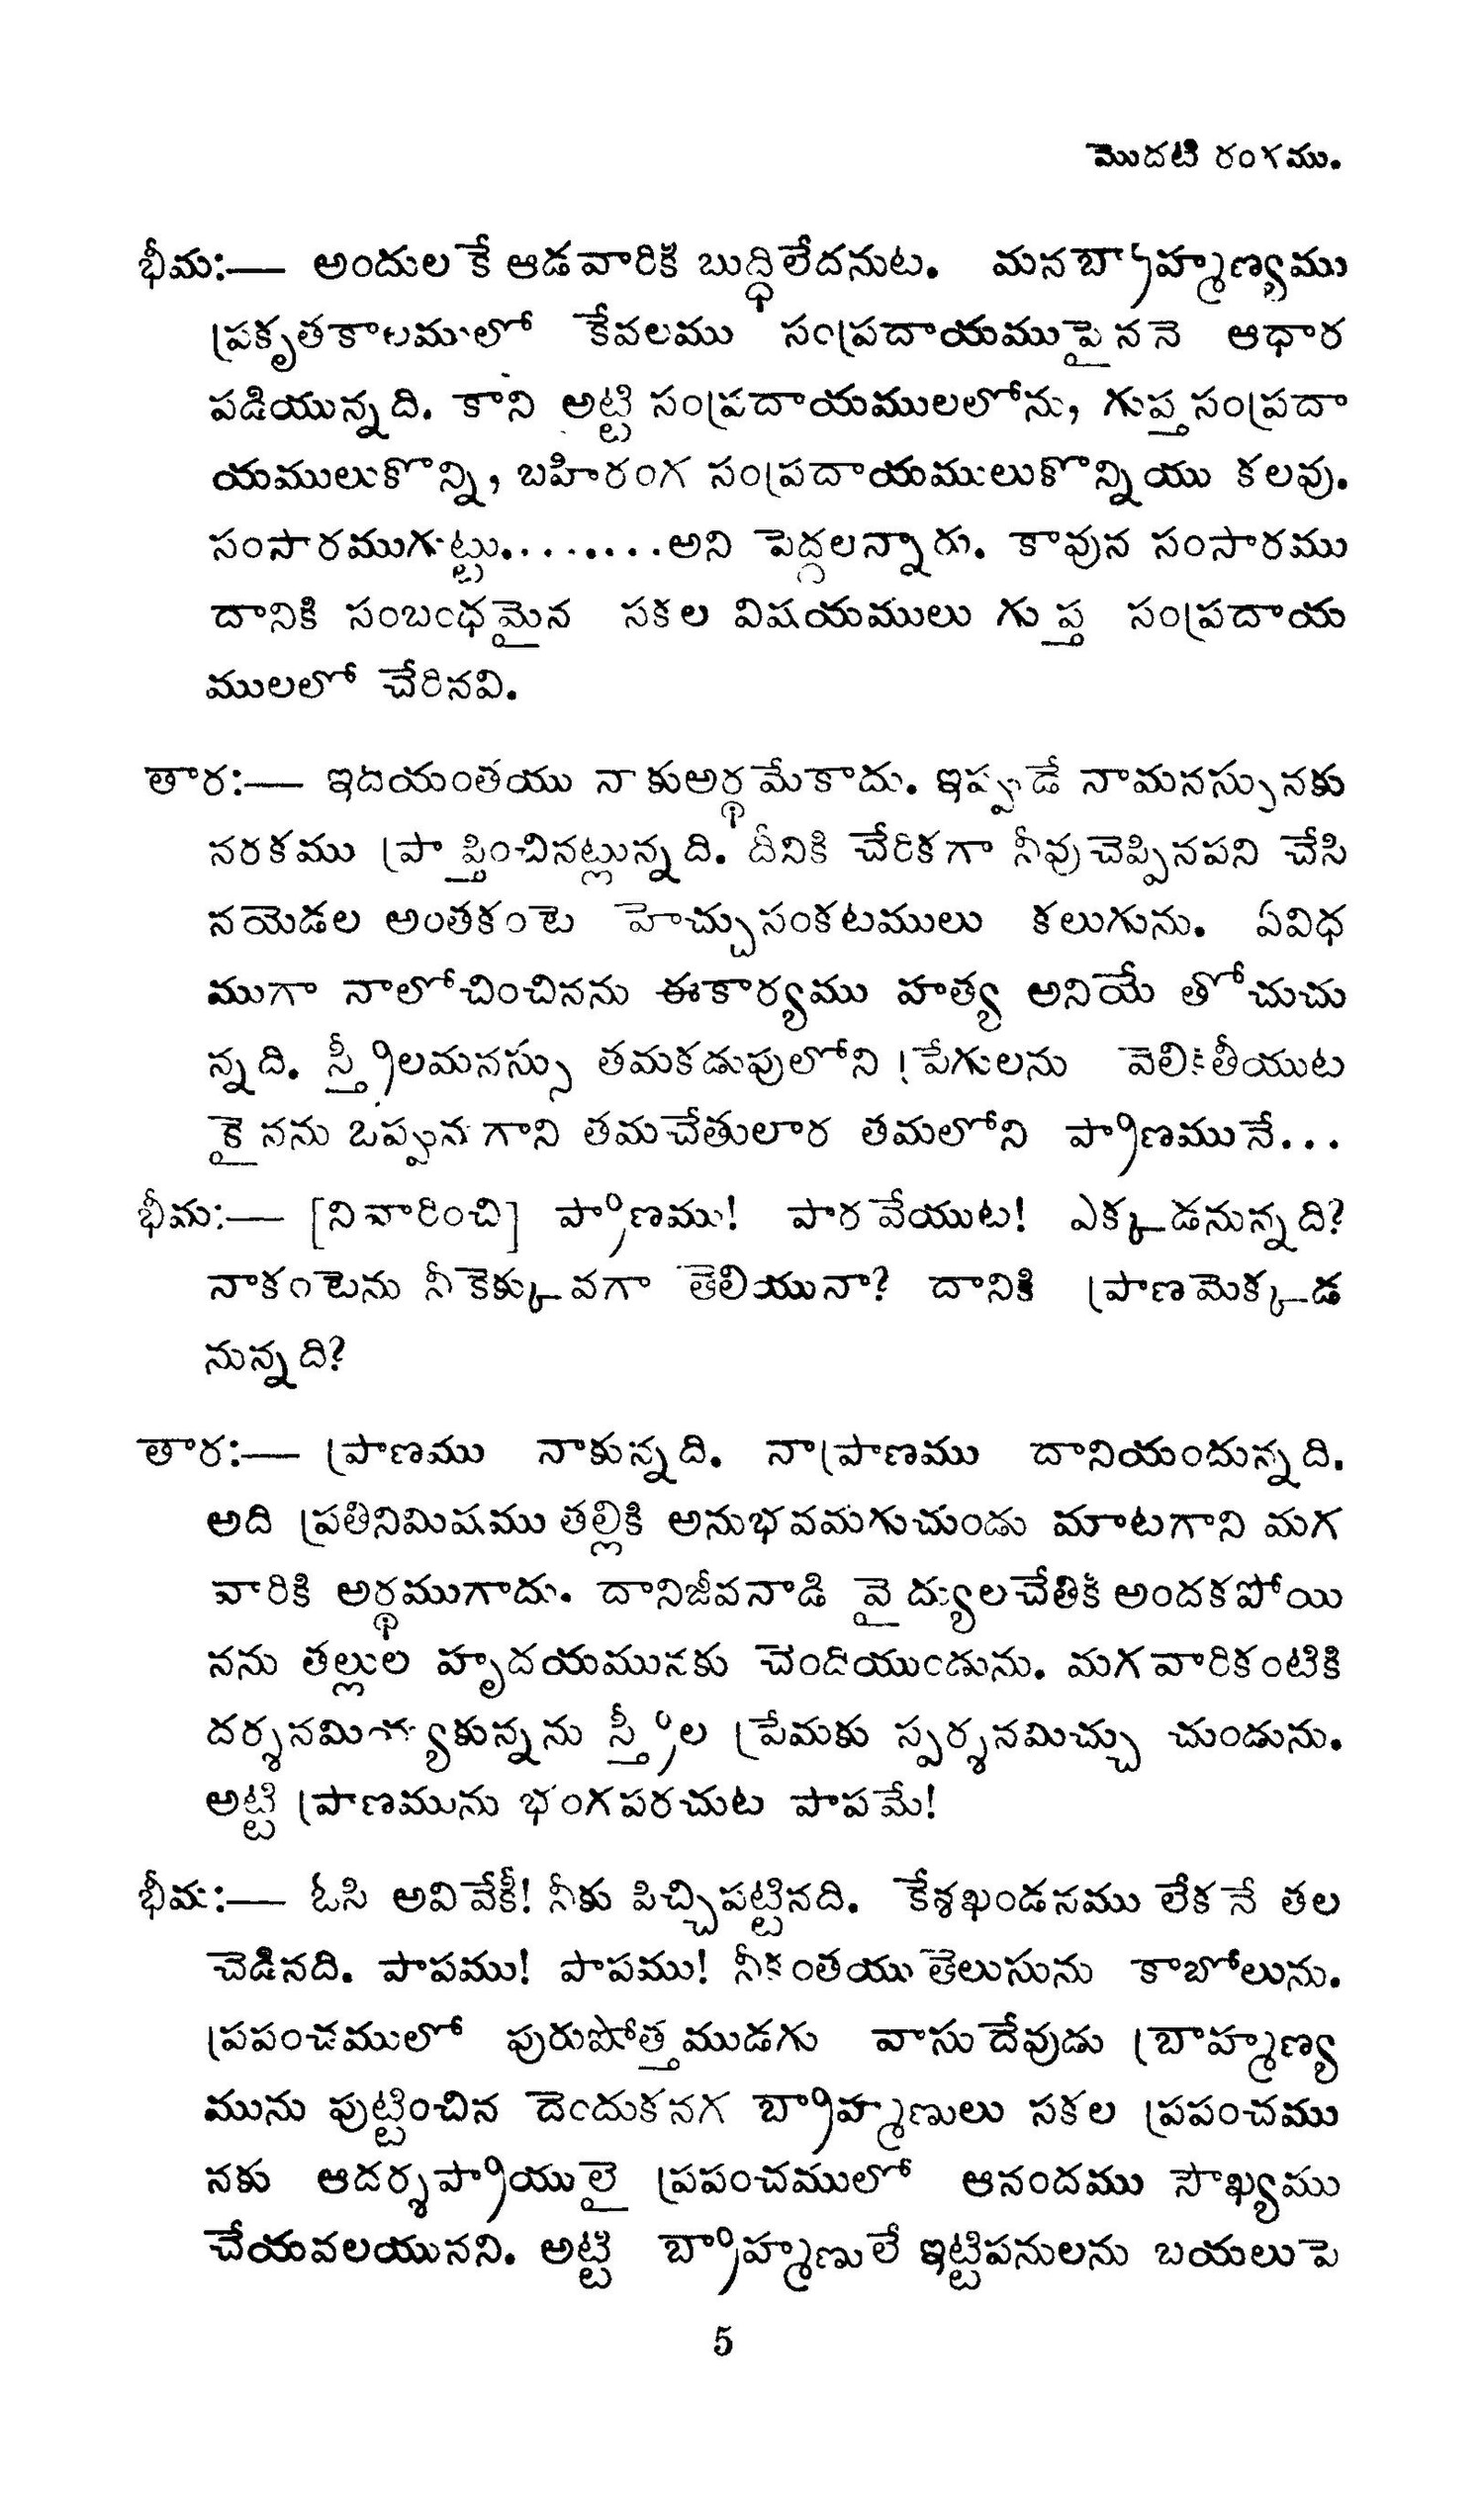భీమ:- అందులకే ఆడవారికి బుద్ధిలేదనుట. మనబ్రాహ్మణ్యము ప్రకృతకాలములో కేవలము సంప్రదాయముపైననె ఆధారపడియున్నది. కాని అట్టి సంప్రదాయములలోను, గుప్త సంప్రదాయములకొన్ని, బహిరంగ సంప్రదాయములలోను, గుప్త సంప్రదాయములుకొన్ని, బహిరంగ సంప్రదాయములుకొన్నియు కలవు. సంసారముగుట్టు..... అని పెద్దలన్నారు. కావున సంసారము దానికి సంబంధమైన సకల విషయములు గుప్త సంప్రదాయములలో చేరినవి.

తార:- ఇదియంతయు నాకుఅర్థమేకాదు. ఇప్పుడే నామనస్సునకు నరకము ప్రాప్తించినట్లున్నది. దీనికి చేరికగా నీవుచెప్పినపని చేసినయెడల అంతకంటె హెచ్చుసంకటములు కలుగును. ఏవిధముగా నాలోచించిననను ఈ కార్యము హత్య అనియే తోచుచున్నది. స్త్రీలమనస్సు తమకడుపులోని ప్రేగులను వెలికితీయుటకైనను ఒప్పునుగాని తమచేతులార తమలోని ప్రాణమునే...

భీమ:- [నివారించి] ప్రాణము! పారవేయుట! ఎక్కడున్నది? నాకంటెను నీకెక్కువగా తెలియునా? దానికి ప్రాణమెక్కడనున్నది?

తార:- ప్రాణము నాకున్నది. నాప్రాణము దానియందున్నది. అది ప్రతినిమిషము తల్లికి అనుభవమగుచుండు మాటగాని మగవారికి అర్థముగాదు. దానిజీవనాడి వైద్యులచేతికి అందకపోయినను తల్లుల హృదయమునకు చెందియుండును. మగవారికంటికి దర్శనమియ్యకున్నను ప్రేమకు స్పర్శనమిచ్చు చుండును. అట్టి ప్రాణమును భంగపరుచుట పాపమే!

భీమ:- ఓసి అవివేకీ! నీకు పిచ్చిపట్టినది. కేశఖండనము లేకనే తలచెడినది. పాపము! పాపము! నీకంతయు తెలుసును కాబోలును. ప్రపంచములో పురుషోత్తముడగు వాసుదేవుడు బ్రాహ్మణ్యమును పుట్టించిన దెందుకనగ బ్రాహ్మణులు సకల ప్రపంచమునకు ఆదర్శప్రాయులై ప్రపంచములో ఆనందము సౌఖ్యము చేయవలయునని. అట్టి బ్రాహ్మణులే ఇట్టిపనులను బయలుపె